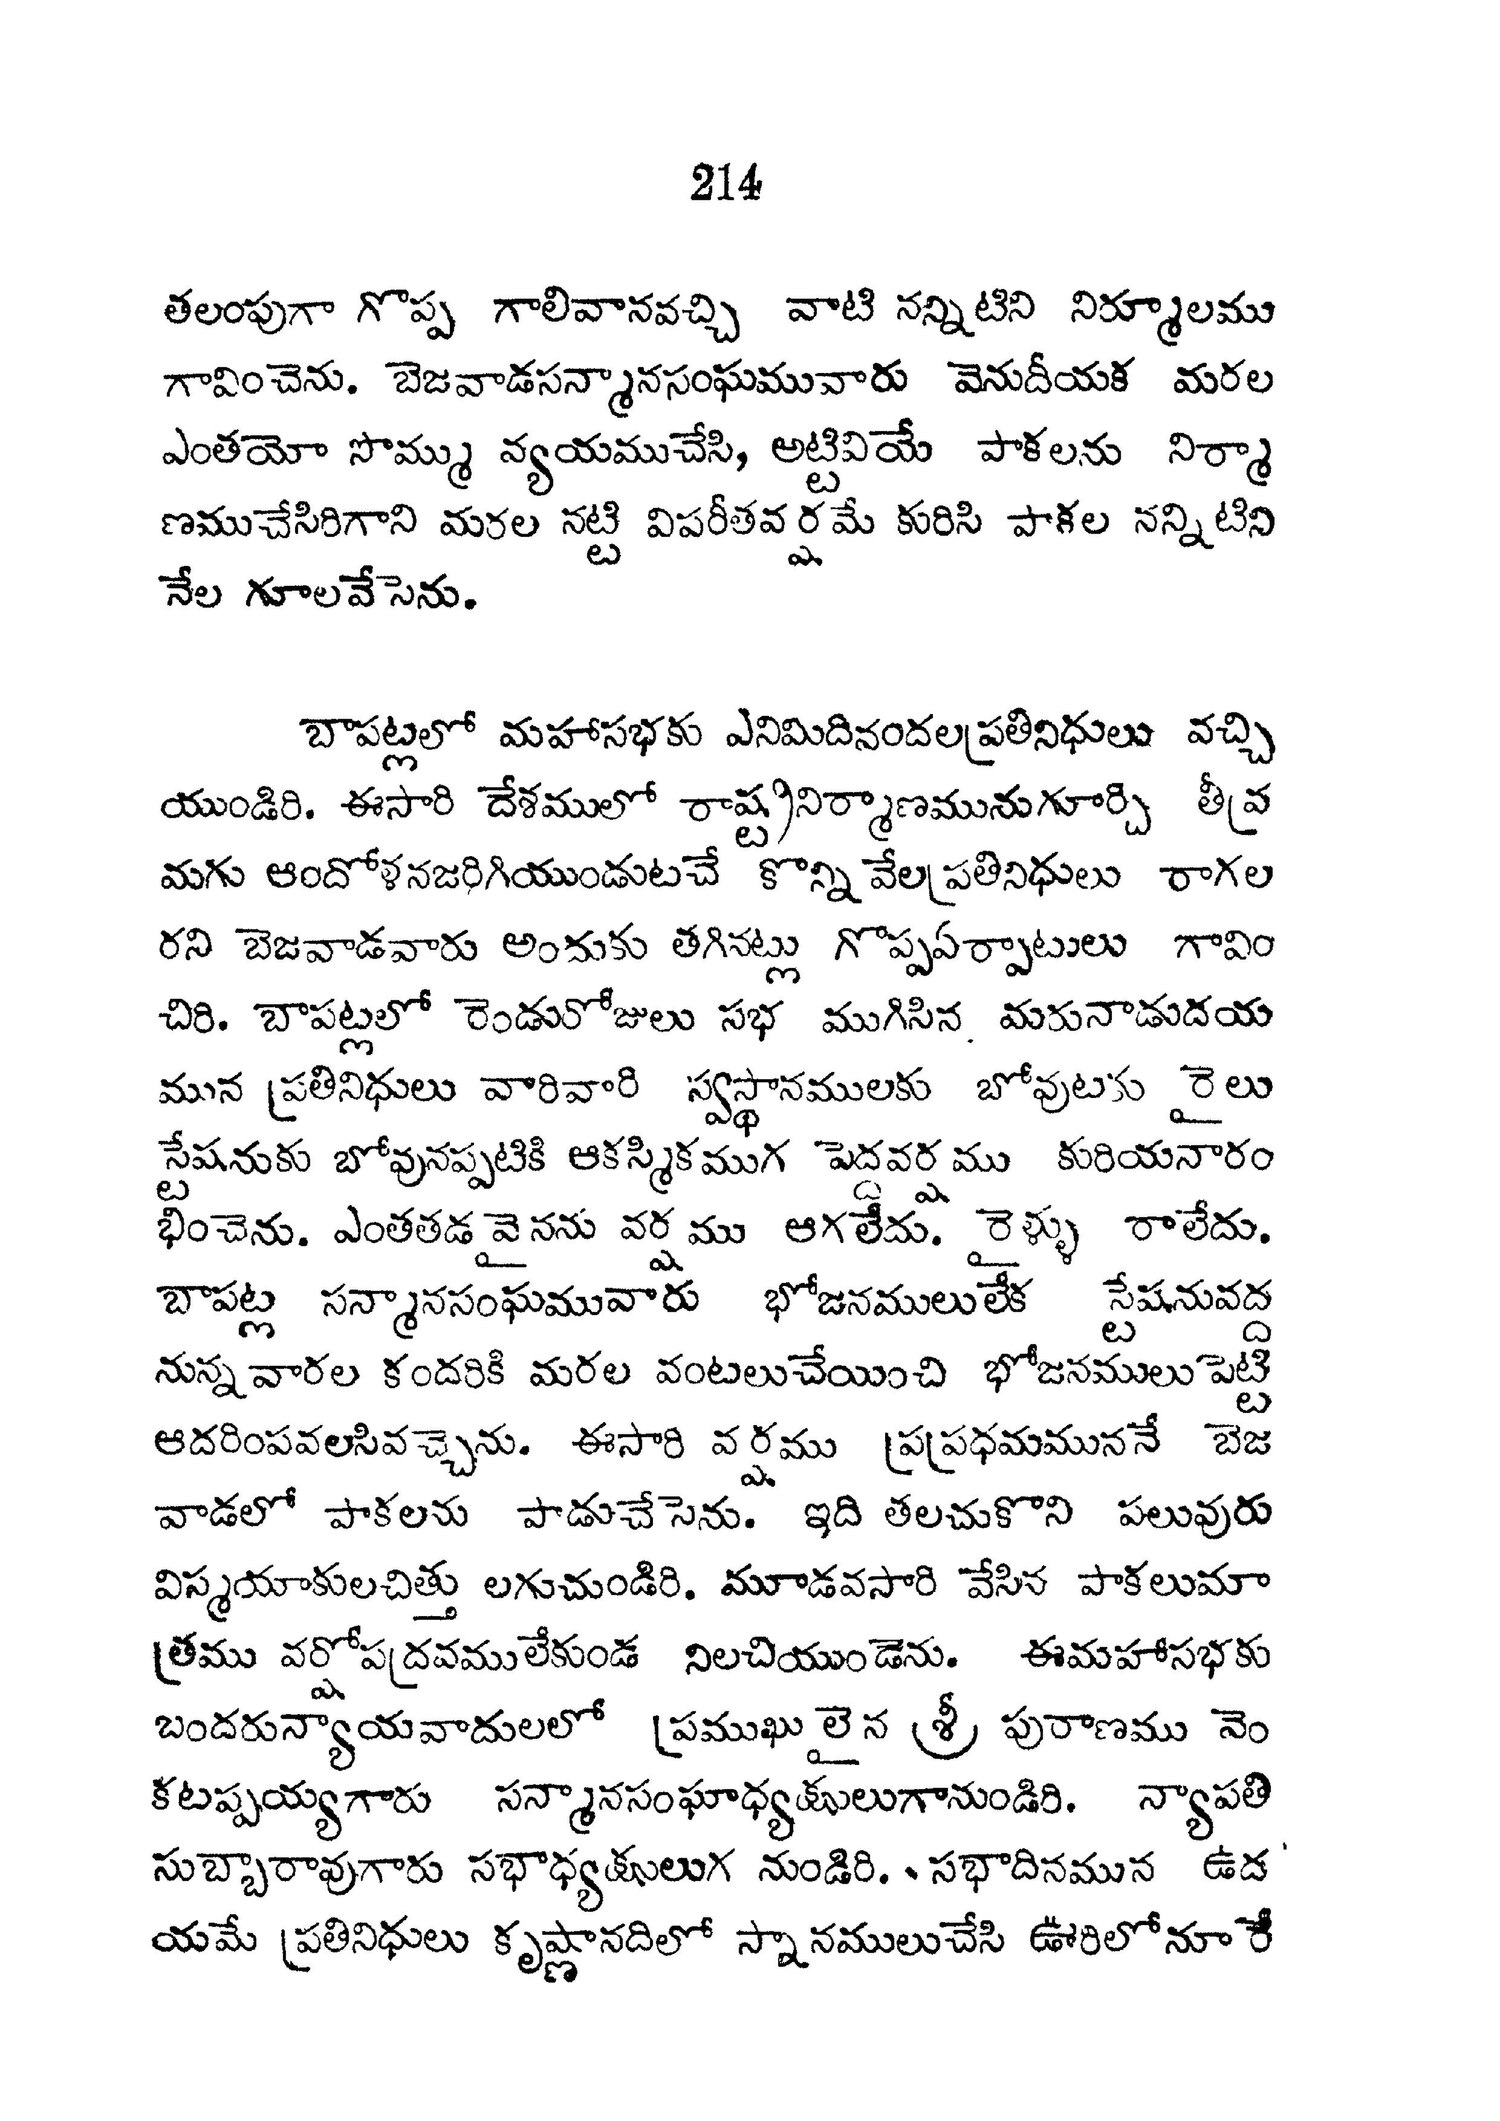తలంపుగా గొప్ప గాలివానవచ్చి వాటి నన్నిటిని నిర్మూలము గావించెను. బెజవాడ సన్మానసంఘమువారు వెనుదీయక మరల ఎంతయో సొమ్ము వ్యయముచేసి, అట్టివియే పాకలను నిర్మాణముచేసిరిగాని మరల నట్టి విపరీతవర్షమే కురిసి పాకల నన్నిటిని నేల గూలవేసెను.

బాపట్లలో మహాసభకు ఎనిమిదివందలప్రతినిధులు వచ్చియుండిరి. ఈసారి దేశములో రాష్ట్రనిర్మాణమునుగూర్చి తీవ్రమగు ఆందోళనజరిగియుండుటచే కొన్నివేలప్రతినిధులు రాగలరని బెజవాడవారు అందుకు తగినట్లు గొప్పఏర్పాటులు గావించిరి. బాపట్లలో రెండురోజులు సభ ముగిసిన మరునాడుదయమున ప్రతినిధులు వారివారి స్వస్థానములకు బోవుటకు రైలు స్టేషనుకు బోవునప్పటికి ఆకస్మికముగ పెద్దవర్షము కురియనారంభించెను. ఎంతతడవైనను వర్షము ఆగలేదు. రైళ్ళు రాలేదు. బాపట్ల సన్మానసంఘమువారు భోజనములులేక స్టేషనువద్దనున్నవారల కందరికి మరల వంటలుచేయించి భోజనములుపెట్టి ఆదరింపవలసివచ్చెను. ఈసారి వర్షము ప్రప్రధమముననే బెజవాడలో పాకలను పాడుచేసెను. ఇది తలచుకొని పలువురు విస్మయాకులచిత్తు లగుచుండిరి. మూడవసారి వేసిన పాకలుమాత్రము వర్షోపద్రవములేకుండ నిలచియుండెను. ఈమహాసభకు బందరు న్యాయవాదులలో ప్రముఖులైన శ్రీ పురాణము వెంకటప్పయ్యగారు సన్మానసంఘాధ్యక్షులుగానుండిరి. న్యాపతి సుబ్బారావుగారు సభాధ్యక్షులుగ నుండిరి. సభాదినమున ఉదయమే ప్రతినిధులు కృష్ణానదిలో స్నానములుచేసి ఊరిలోనూరే